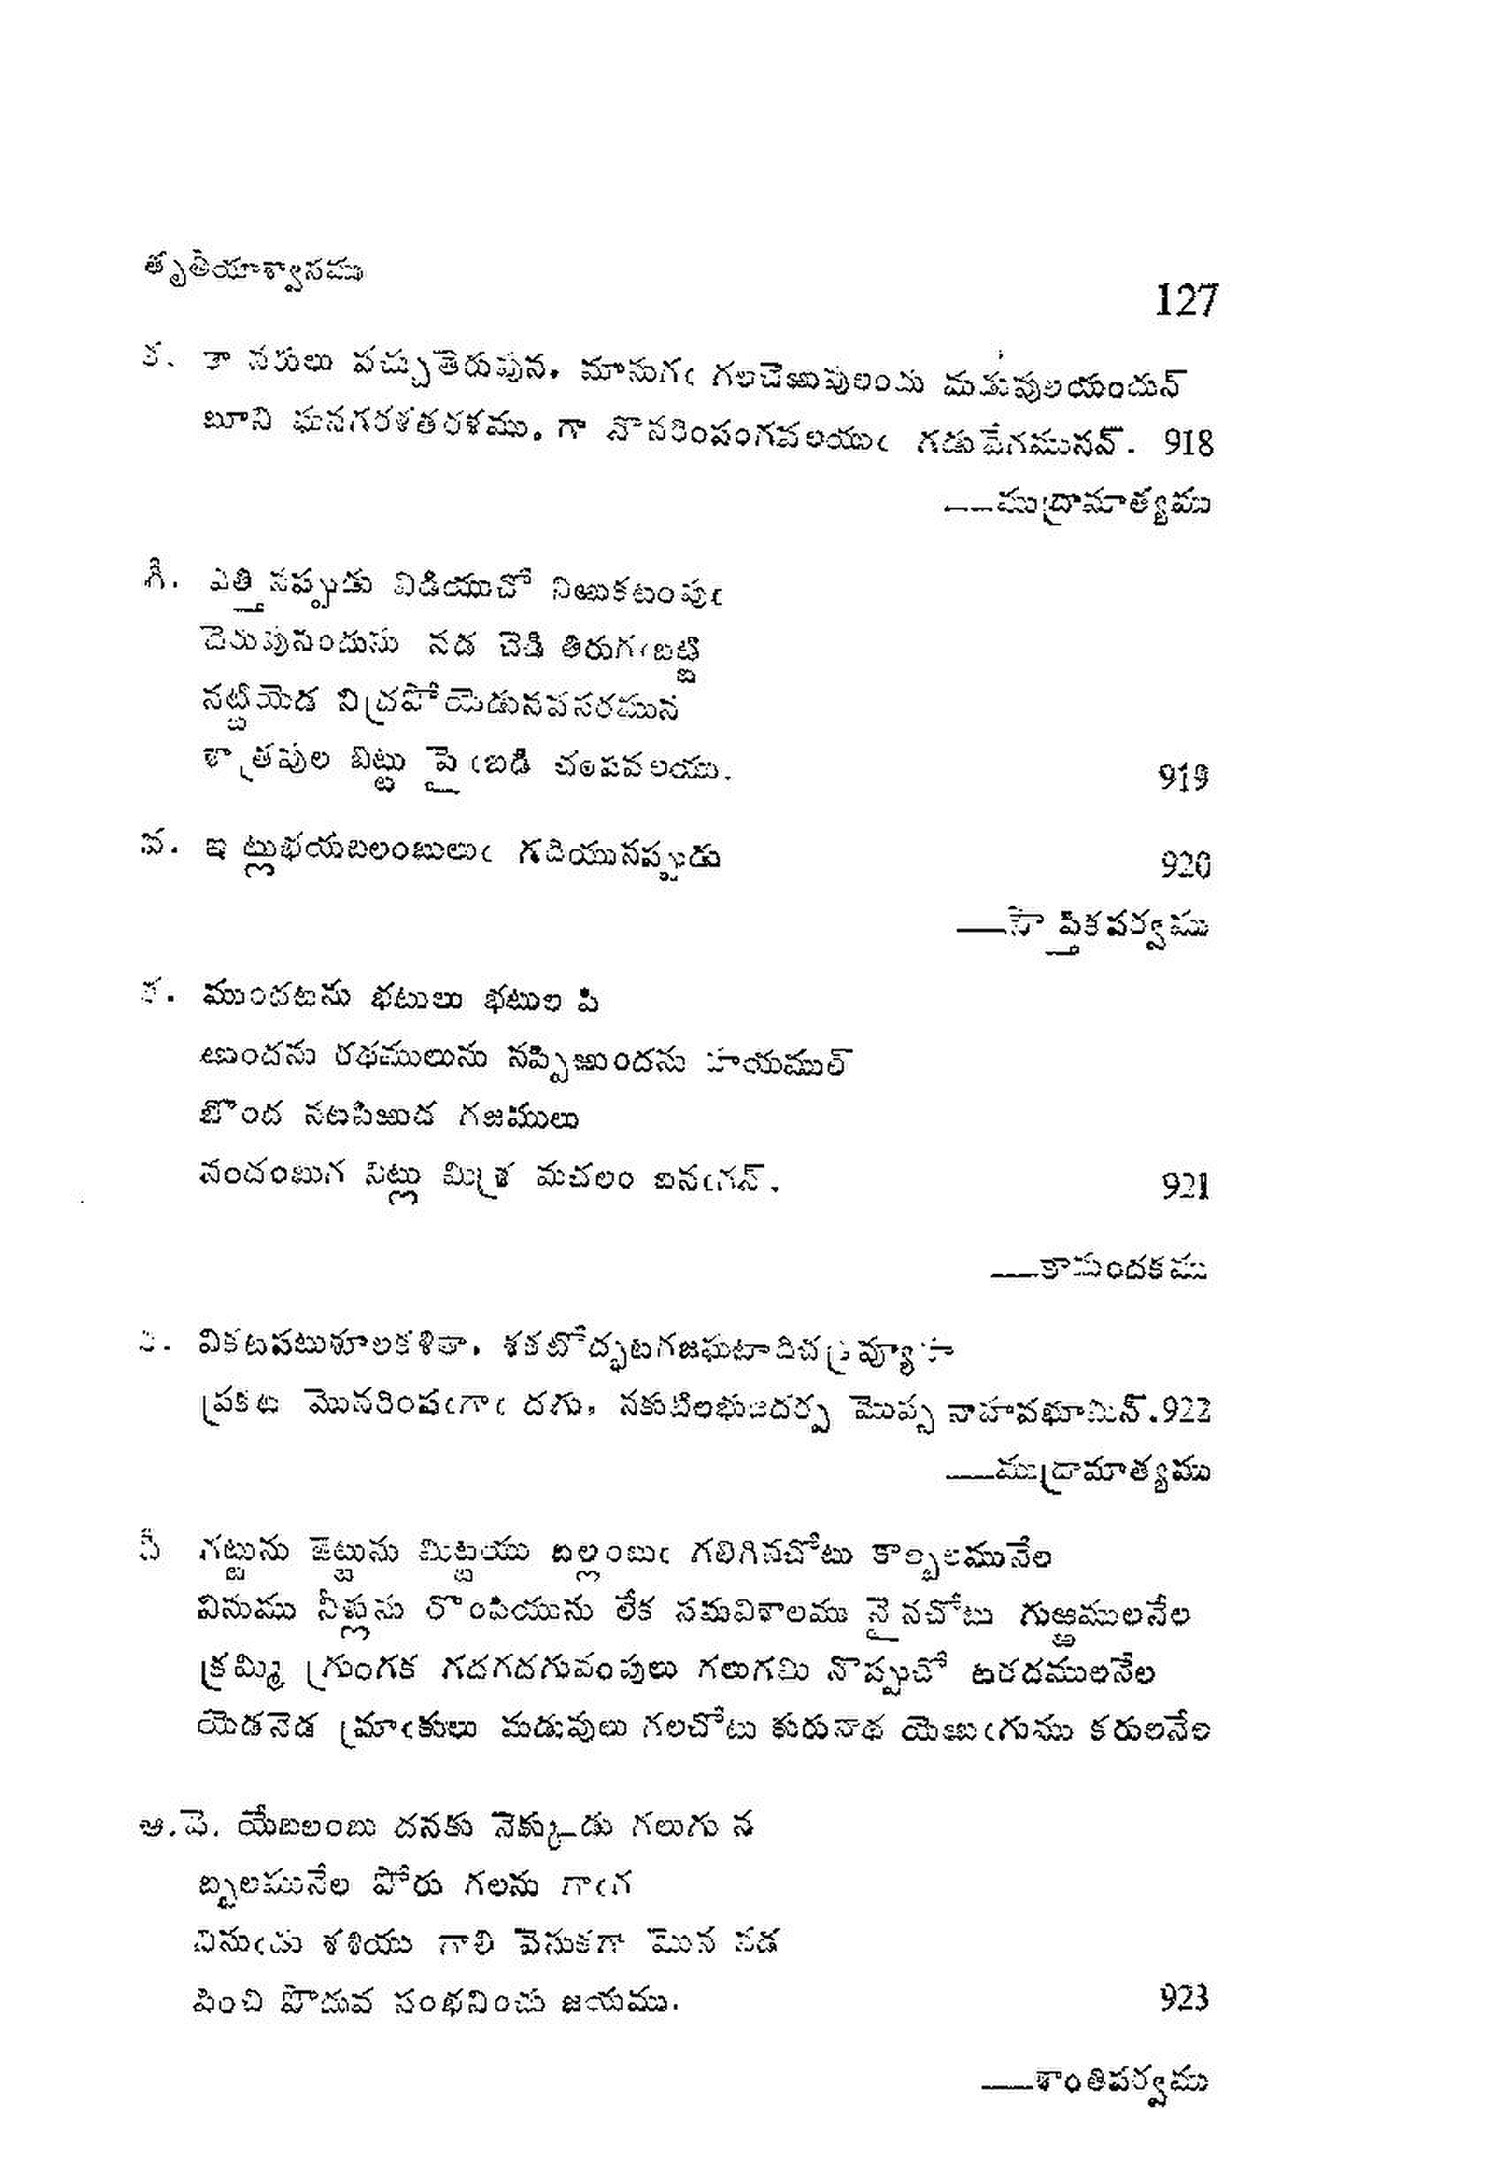క. తా నరులు వచ్చు తెరువున
మానుగఁ గలచెఱువులందు మడువులయందున్
బూని ఘనగరళతరళము
గా నొనరింపంగవలయుఁ గడువేగమునన్. 918

గీ. ఎత్తినప్పుడు విడియుచో నిఱుకటంపుఁ
దెరువునందును నడ చెడి తిరుగఁబట్టి
నట్టియెడ నిద్రపోయెడునవసరమున
శాత్రవుల బిట్టు పైఁబడి చంపవలయు. 919

వ. ఇ ట్లుభయబలంబులుఁ గదియునప్పుడు. 920

క. ముందటను భటులు భటుల పి
ఱుందను రథములును నప్పిఱుందను హయముల్
బొంద నటపిఱుద గజములు
నందంబుగ నిట్లు మిశ్ర మచలం బనఁగన్. 921

క. వికటపటుశూలకళితా
శకటోద్భటగజఘటాదిచక్రవ్యూహ
ప్రకట మొనరింపఁగాఁ దగు
నకుటిలభుజదర్ప మొప్ప నాహవభూమిన్. 922

సీ. గట్టును జెట్టును మిట్టయు బల్లంబుఁ గలిగినచోటు కాల్బలమునేల
వినుము నీళ్ళును రొంపియును లేక సమవిశాలము నైనచోటు గుఱ్ఱములనేల
క్రమ్మి గ్రుంగక గదగదగువంపులు గలుగమి నొప్పుచో టరదములనేల
యెడనెడ మ్రాఁకులు మడువులు గలచోటు కురునాథ యెఱుఁగుము కరులనేల
ఆ. యేబలంబు దనకు నెక్కుడు గలుగు న
బ్బలమునేల పోరు గలను గాఁగ
నినుఁడు శశియు గాలి వెసుకగా మొన నడ
పించి పొదువ సంభవించి జయము. 923